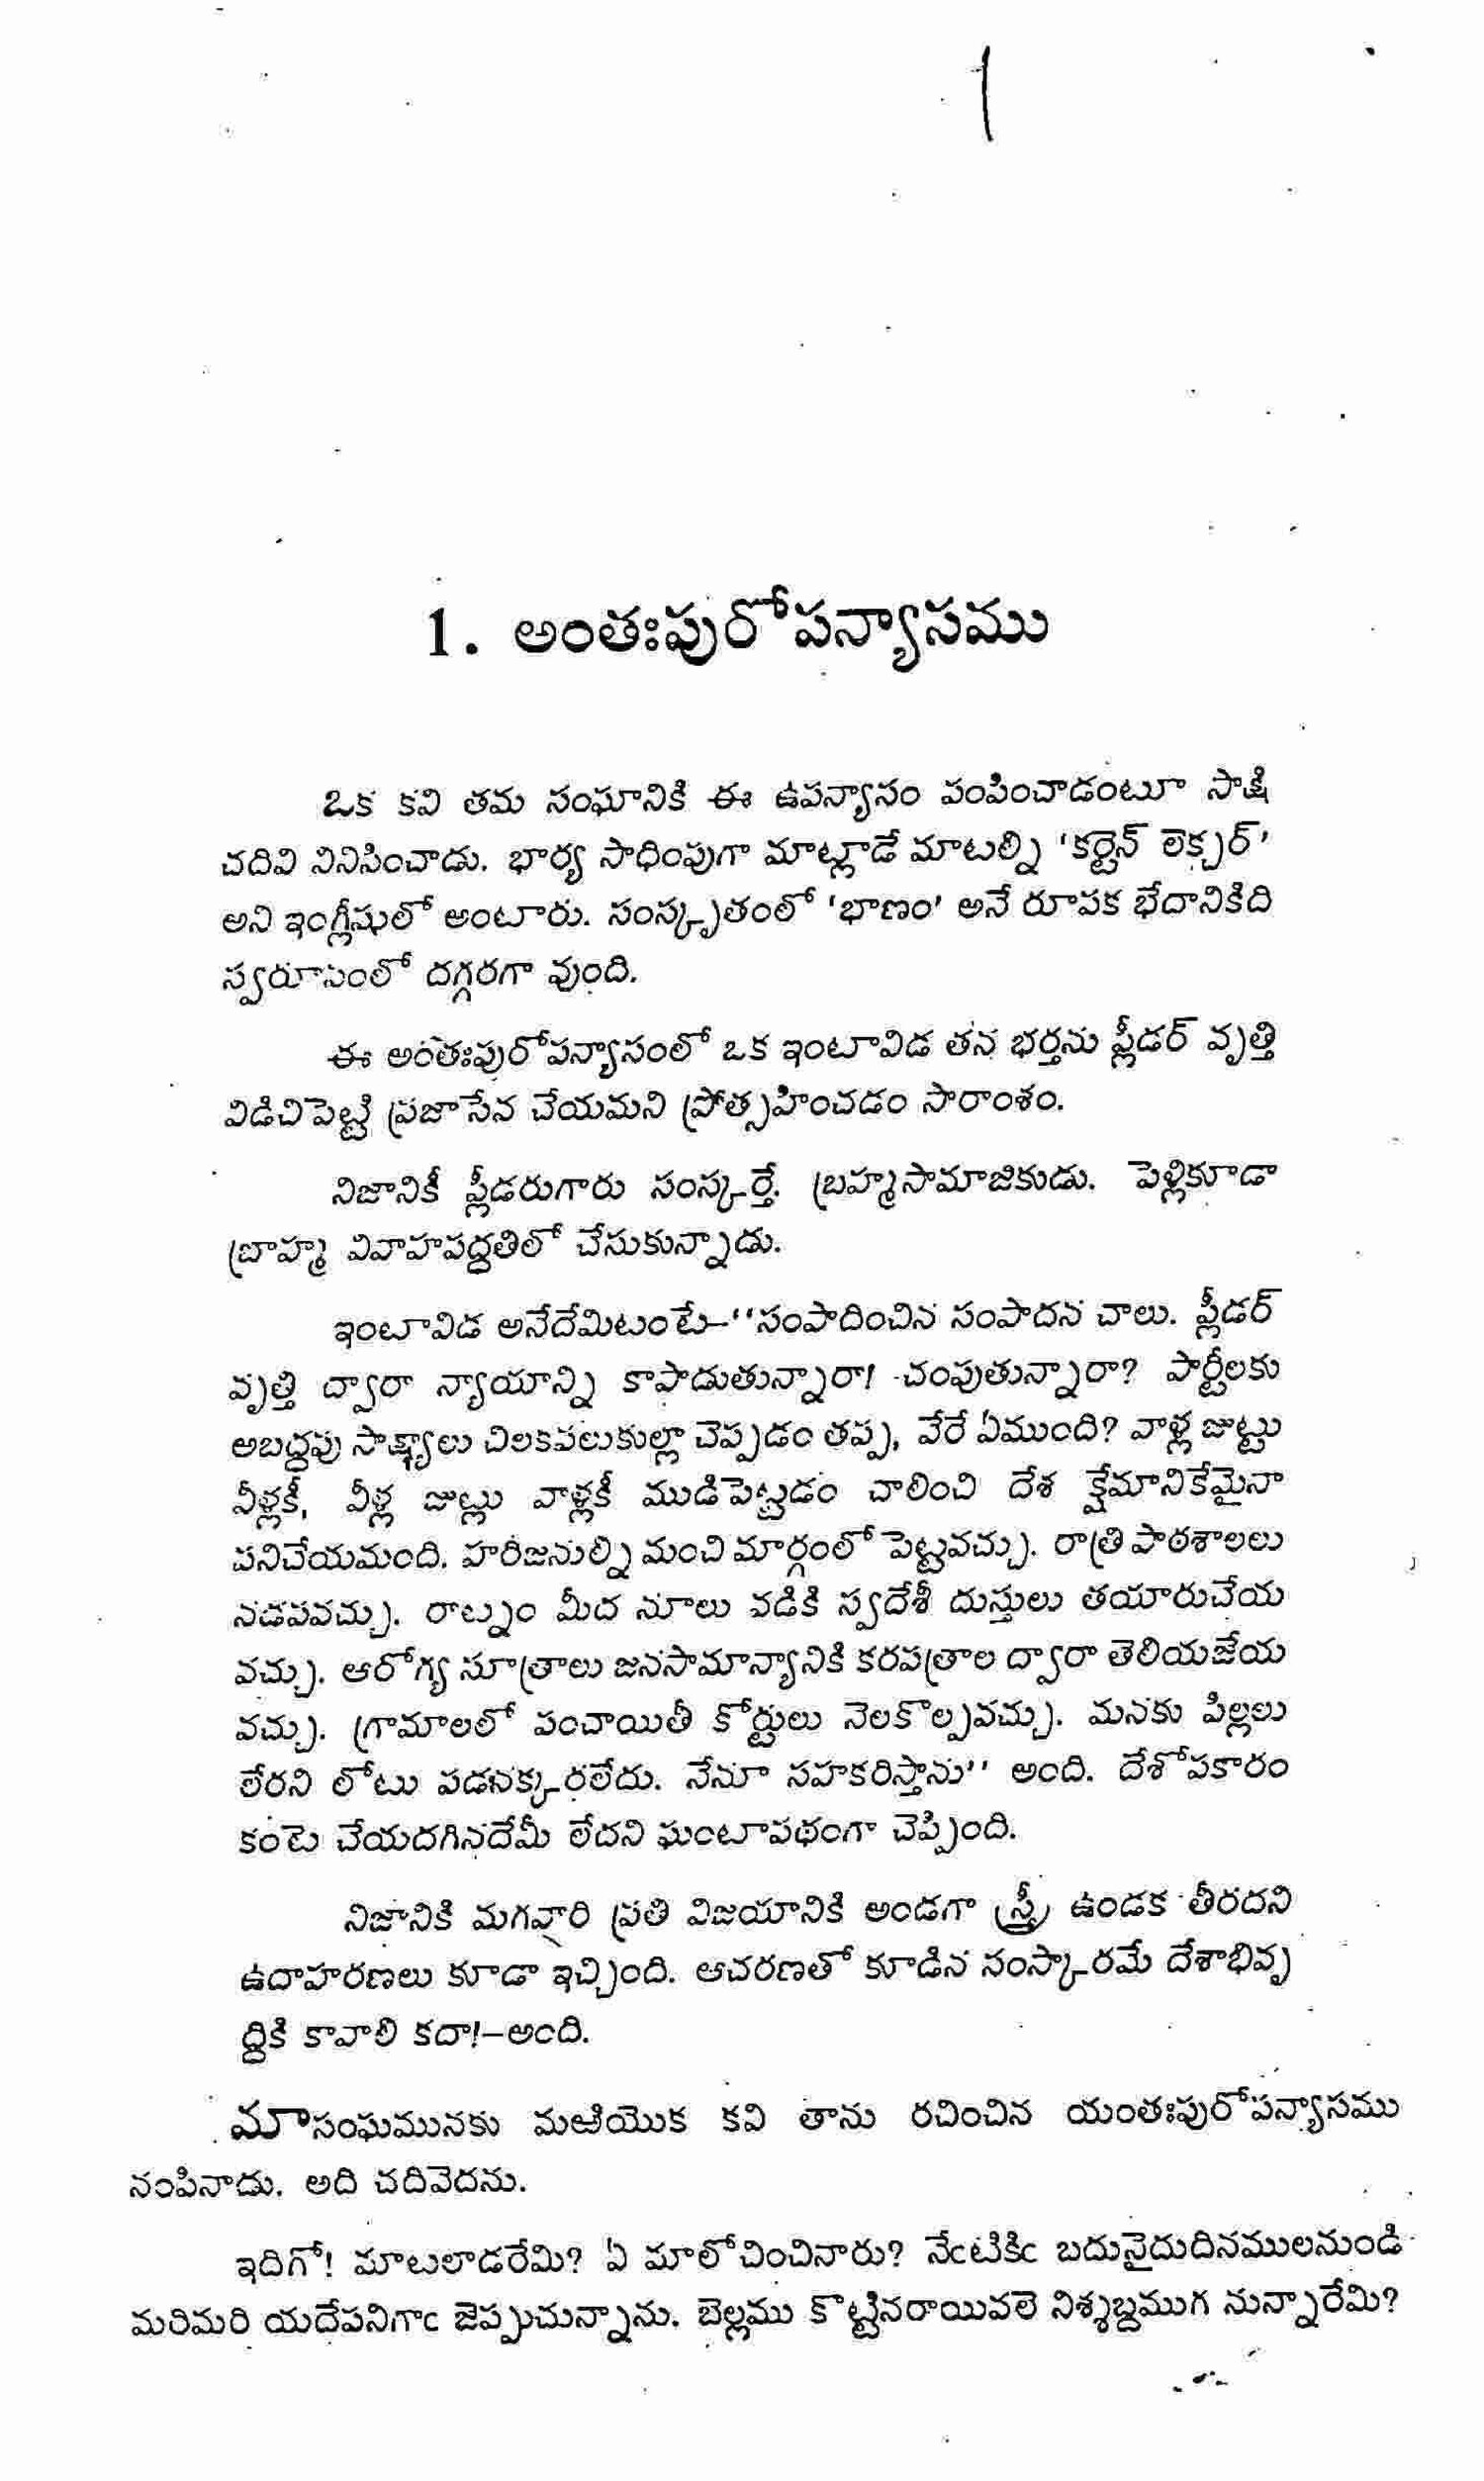ఒక కవి తమ నంఘానికి ఈ ఉపన్యానం పంపించాడంటూ సాక్షి 
చదివి వినిపించాడు. భార్య సాధింవుగా మాట్లాడే మాటల్ని “కర్టెన్ లెక్ఛర్‌”
అని ఇంగ్లీషులో అంటారు. నంన్క లంలో ’భాణం’ అనే రూవక భేదానికిది
స్వరూపం లో దగ్గరగా వుంది.

ఈ అంతఃపురోపన్యానంలో ఒక ఇంటావిడ తన భర్తను ప్లీడర్‌ వృత్తి
విడిచిపెట్టి ప్రజాసేవ చేయమని ప్రోత్సహించడం సారాంశం.

నిజానికీ ప్లీడరుగారు నంన్కర్తే. బ్రవ్మాసామాజికుడు. పెళ్లికూడా
బ్రావ్మావివాహ పద్దతిలో చేనుకున్నాడు.

ఇంటావిడ అనేదేమిటంటే -“సంపాదించిన నంపాదన చాలు. ప్లీడర్‌
వృత్తి ద్వారా న్యాయాన్ని కాపొడుతున్నారా! -చంవుతున్నారా? పార్టీలకు
అబద్దపు సాక్ష్యాలు చిలకవలుకుల్లా చెప్పడం తప్ప, వేరే ఏముంది? వాళ్ల జుట్టు
వీళ్లకి,వీళ్ల జుట్టు వాళ్లకీ ముడిపెట్టడం చాలించి దేశ క్షేమానికేమైనా
వనిచేయమంది.హరిజనుల్ని మంచి మార్గంలో పెట్టవచ్చు. రాత్రి పాఠశాలలు
నడపవచ్చు. రాట్నం మీద నూలు వడికి స్వదేశీ దుస్తులు తయారు చేయ
వచ్చు. ఆరోగ్య సూత్రాలు జనసామాన్యానికి కర పత్రాల ద్వారా తెలియజేయ
వచ్చు. గ్రామాలలో వంచాయితీ కోర్టులు నెలకొల్పవచ్చు. మనకు పిల్లలు
లేరని లోటు వడనక్కరలేదు. నేనూ సహకరిస్తాను" అంది. దేశోవకారం
కంటె చేయదగినదేమీ లేదని ఘంటా పథంగా చెప్పింది.

నిజానికి మగవారి ప్రతి విజయానికి అండగా స్త్రీ ఉండక తీరదని
ఉదాహరణలు కూడా ఇచ్చింది. ఆచరణతో కూడిన నంస్కారమే దేశాభివృ
ద్ధికి కావాలి కదా!-అంది. 

మాసంఘమునకు మఱియొక కవి తాను రచించిన యంతఃపురోపన్యాసము
నంపినాడు. అది చదివెదను.

ఇదిగో! మాటలాడరేమి? ఏ మాలోచించినారు? నేంటికిం బదునైదుదినములనుండి 
మరిమరి యదేపనిగాం జెప్పుచున్నాను. బెల్లము కొట్టినరాయివలె నిశ్శబ్దముగ నున్నారేమి?